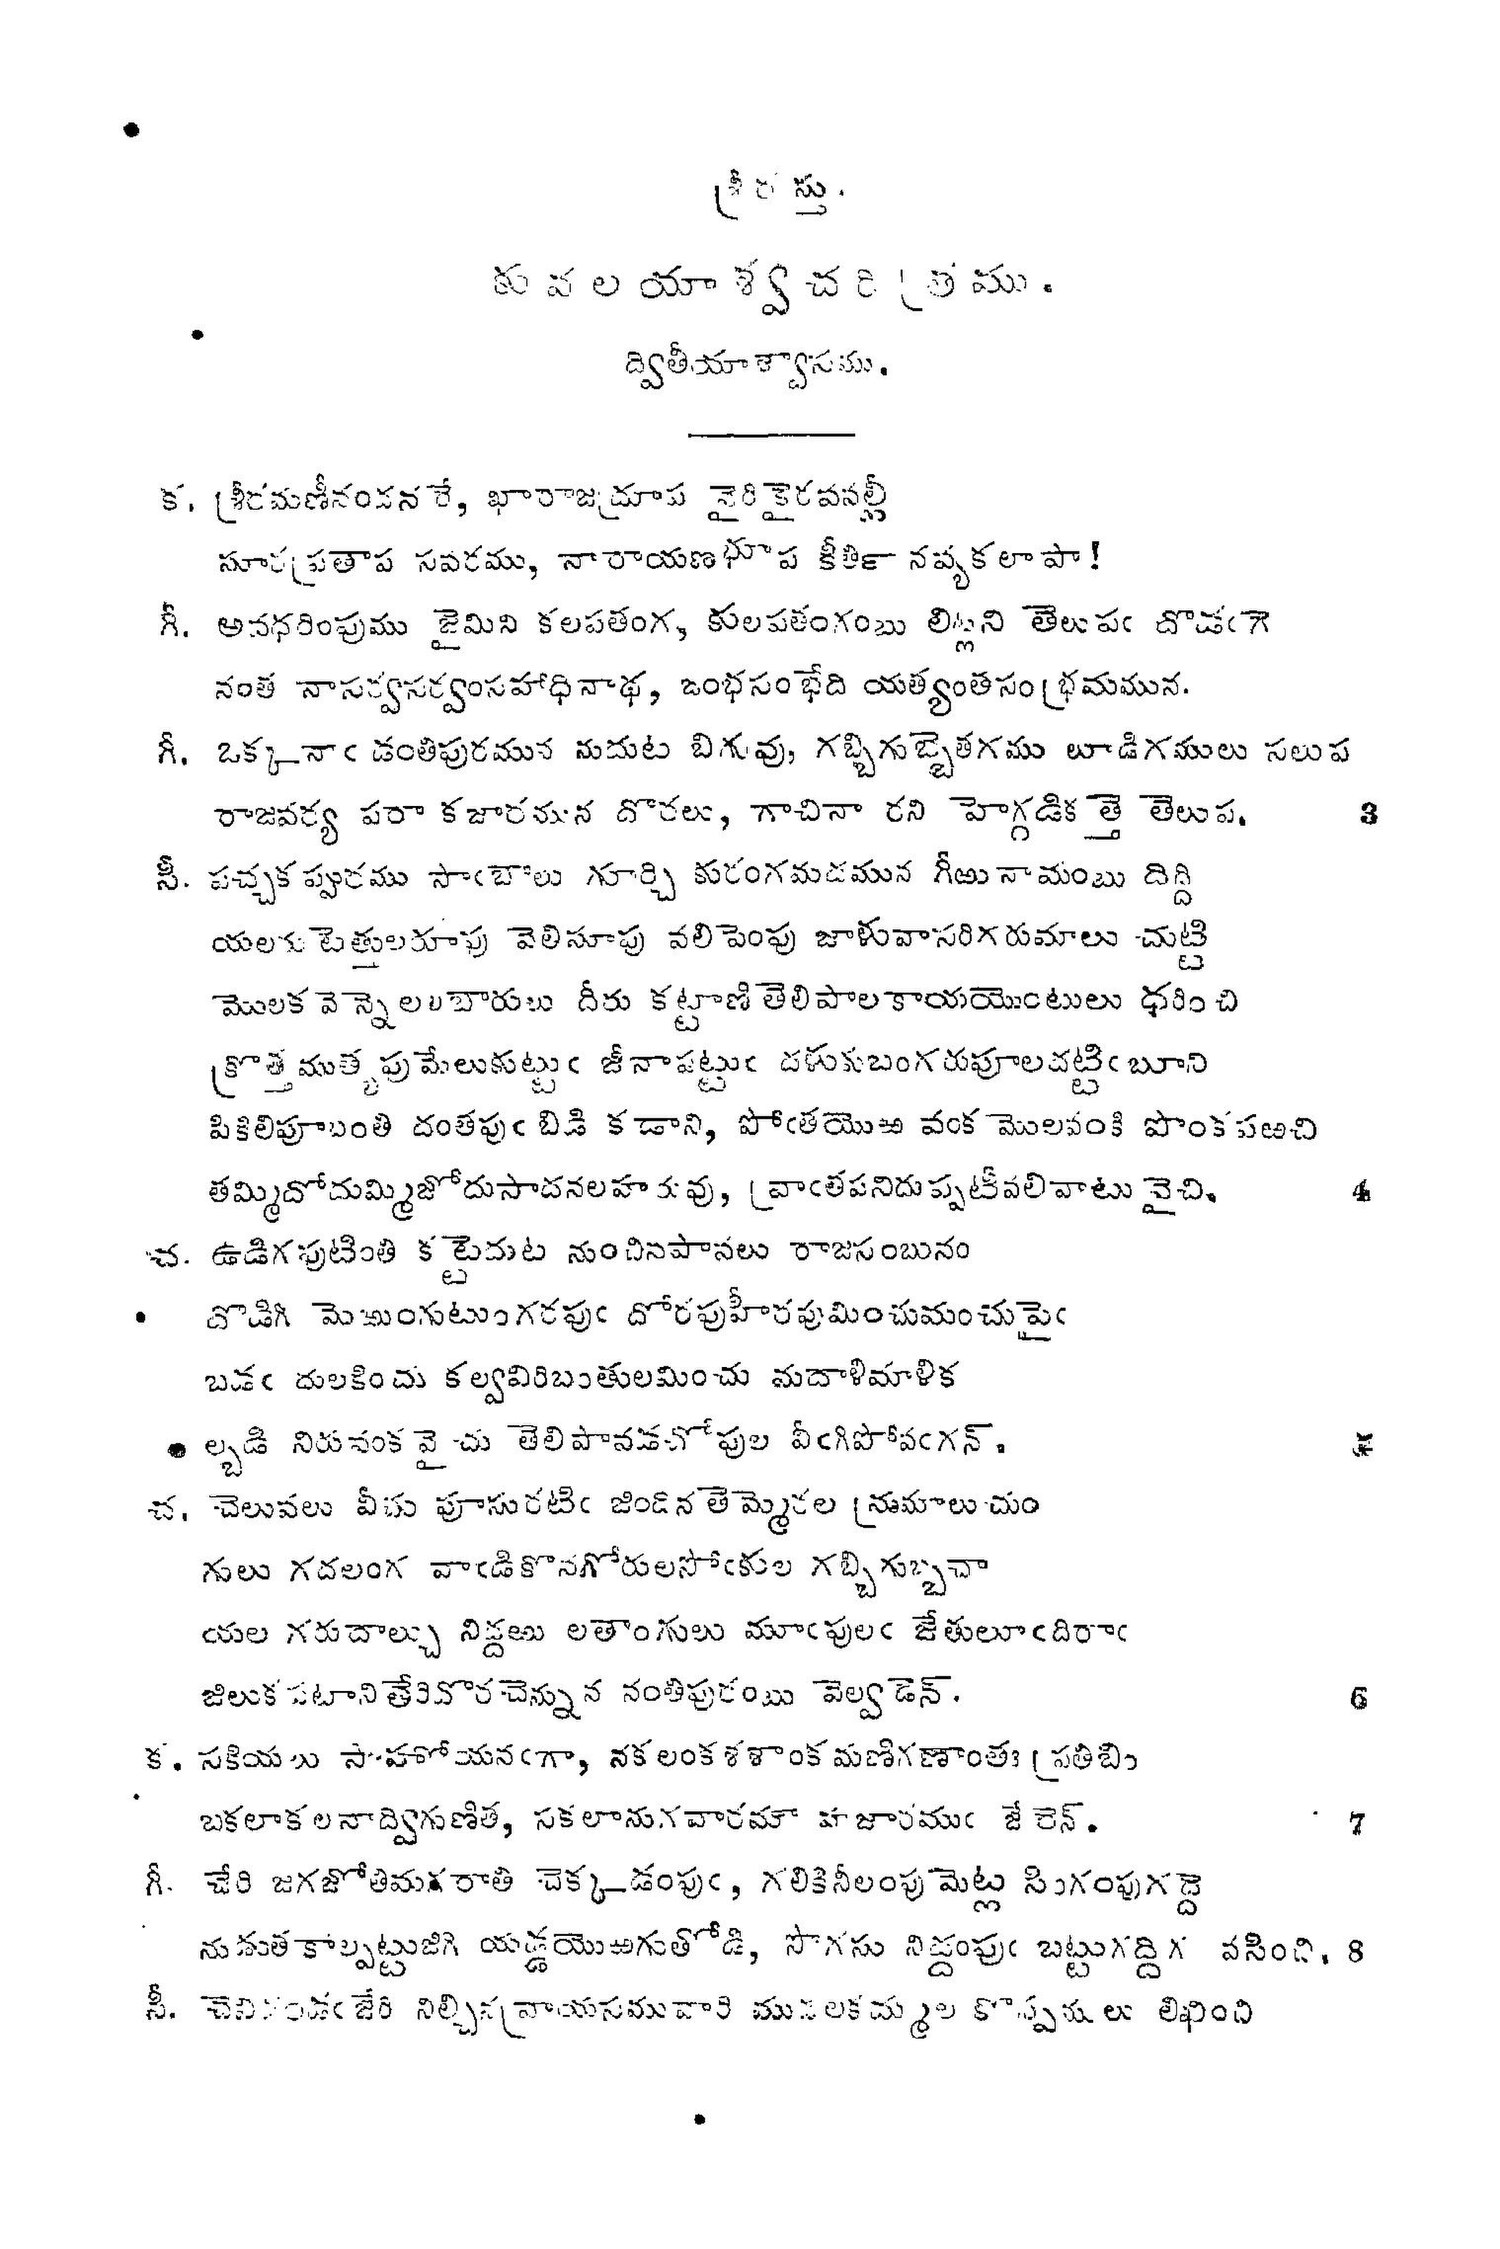కువలయాశ్వచరిత్రము
ద్వితీయాశ్వాసము
క. శ్రీరమణీనందనరే, ఖారాజద్రూప వైరికైరవవల్లీ
సూరప్రతాప సవరము, నారాయణభూప కీర్తి నవ్యకలాపా!
గీ. అవధరింపుము జైమిని కలపతంగ, కులపతంగంబు లిట్లని తెలుపఁ దొడఁగె
నంత నాసర్వసర్వంసహాధినాథ, జంభసంభేది యత్యంతసంభ్రమమున.
గీ. ఒక్కనాఁ డంతిపురమున మదుట బిగువు, గబ్బిగుబ్బెతగము లూడిగములు సలుప
రాజవర్య పరా కజారమున దొరలు, గాచినా రని హెగ్గడికత్తె తెలుప.
సీ. పచ్చకప్పురము సాఁబాలు గూర్చి కురంగమదమున గీఱునామంబు దిద్ది
యలరుటెత్తులరూపు వెలిసూపు వలిపెంపు జాళువాసరిగరుమాలు చుట్టి
మొలకవెన్నెలలబారులు దీరు కట్టాణి తెలిపాలకాయయెంటులు ధరించి
క్రొత్తముత్యపు మేలుకుట్టుఁ జీనాపట్టుఁ దళుకుబంగరుపూలదట్టిఁ బూని
పికిలిపూబంతి దంతపుఁబిడి కడాని, పోఁతయొఱ వంక మొలవంకి పొంకపఱచి
తమ్మిదోదుమ్మిజోదుసాదనలహరువు, వ్రాఁతపనిదుప్పటీవలివాటు వైచి.
చ. ఉడిగపుటింతి కట్టెదుట నుంచినపావలు రాజసంబునం
దొడిగి మెఱుంగుటుంగరపుఁ దోరపుహీరపుమించుమంచుపైఁ
బడఁ దులకించు కల్వవిరిబుతులమించు మదాళిమాళిక
ల్బడి నిరువంక వైచు తెలిపావడదోపుల వీఁగిపోవఁగన్.
చ. చెలువలు వీచు పూసురటిఁ జిందినతెమ్మెరల న్రుమాలు చుం
గులు గదలంగ వాఁడికొనగోరులసోఁకుల గబ్బిగుబ్బచా
యల గరుదాల్చు నిద్దఱు లతాంగులు మూఁపులఁ జేతులూఁదిరాఁ
జిలుకపటానితేరిదొర చెన్నున నంతిపురంబు వెల్వడెన్.
క. సకియలు సాహోయనఁగా, నకలంకశశాంకమణిగణాంతఃప్రతిబిం
బకలాకలనాద్విగుణిత, సకలానుగవారమౌ హజారముఁ జేరెన్.
గీ. చేరి జగజోతిమగరాతి చెక్కడంపుఁ , గలికినీలంపుమెట్ల సింగంపుగద్దె
నుడుతకాల్పట్టుజిగి యడ్డయొఱగుతోడి, సొగసు నిద్దంపుఁ బట్టుగద్దిగ వసించి.
సీ. చెవిదండఁ జేరి నిల్చిన వ్రాయసమువారి ముదలకమ్మల కొప్పములు లిఖించి